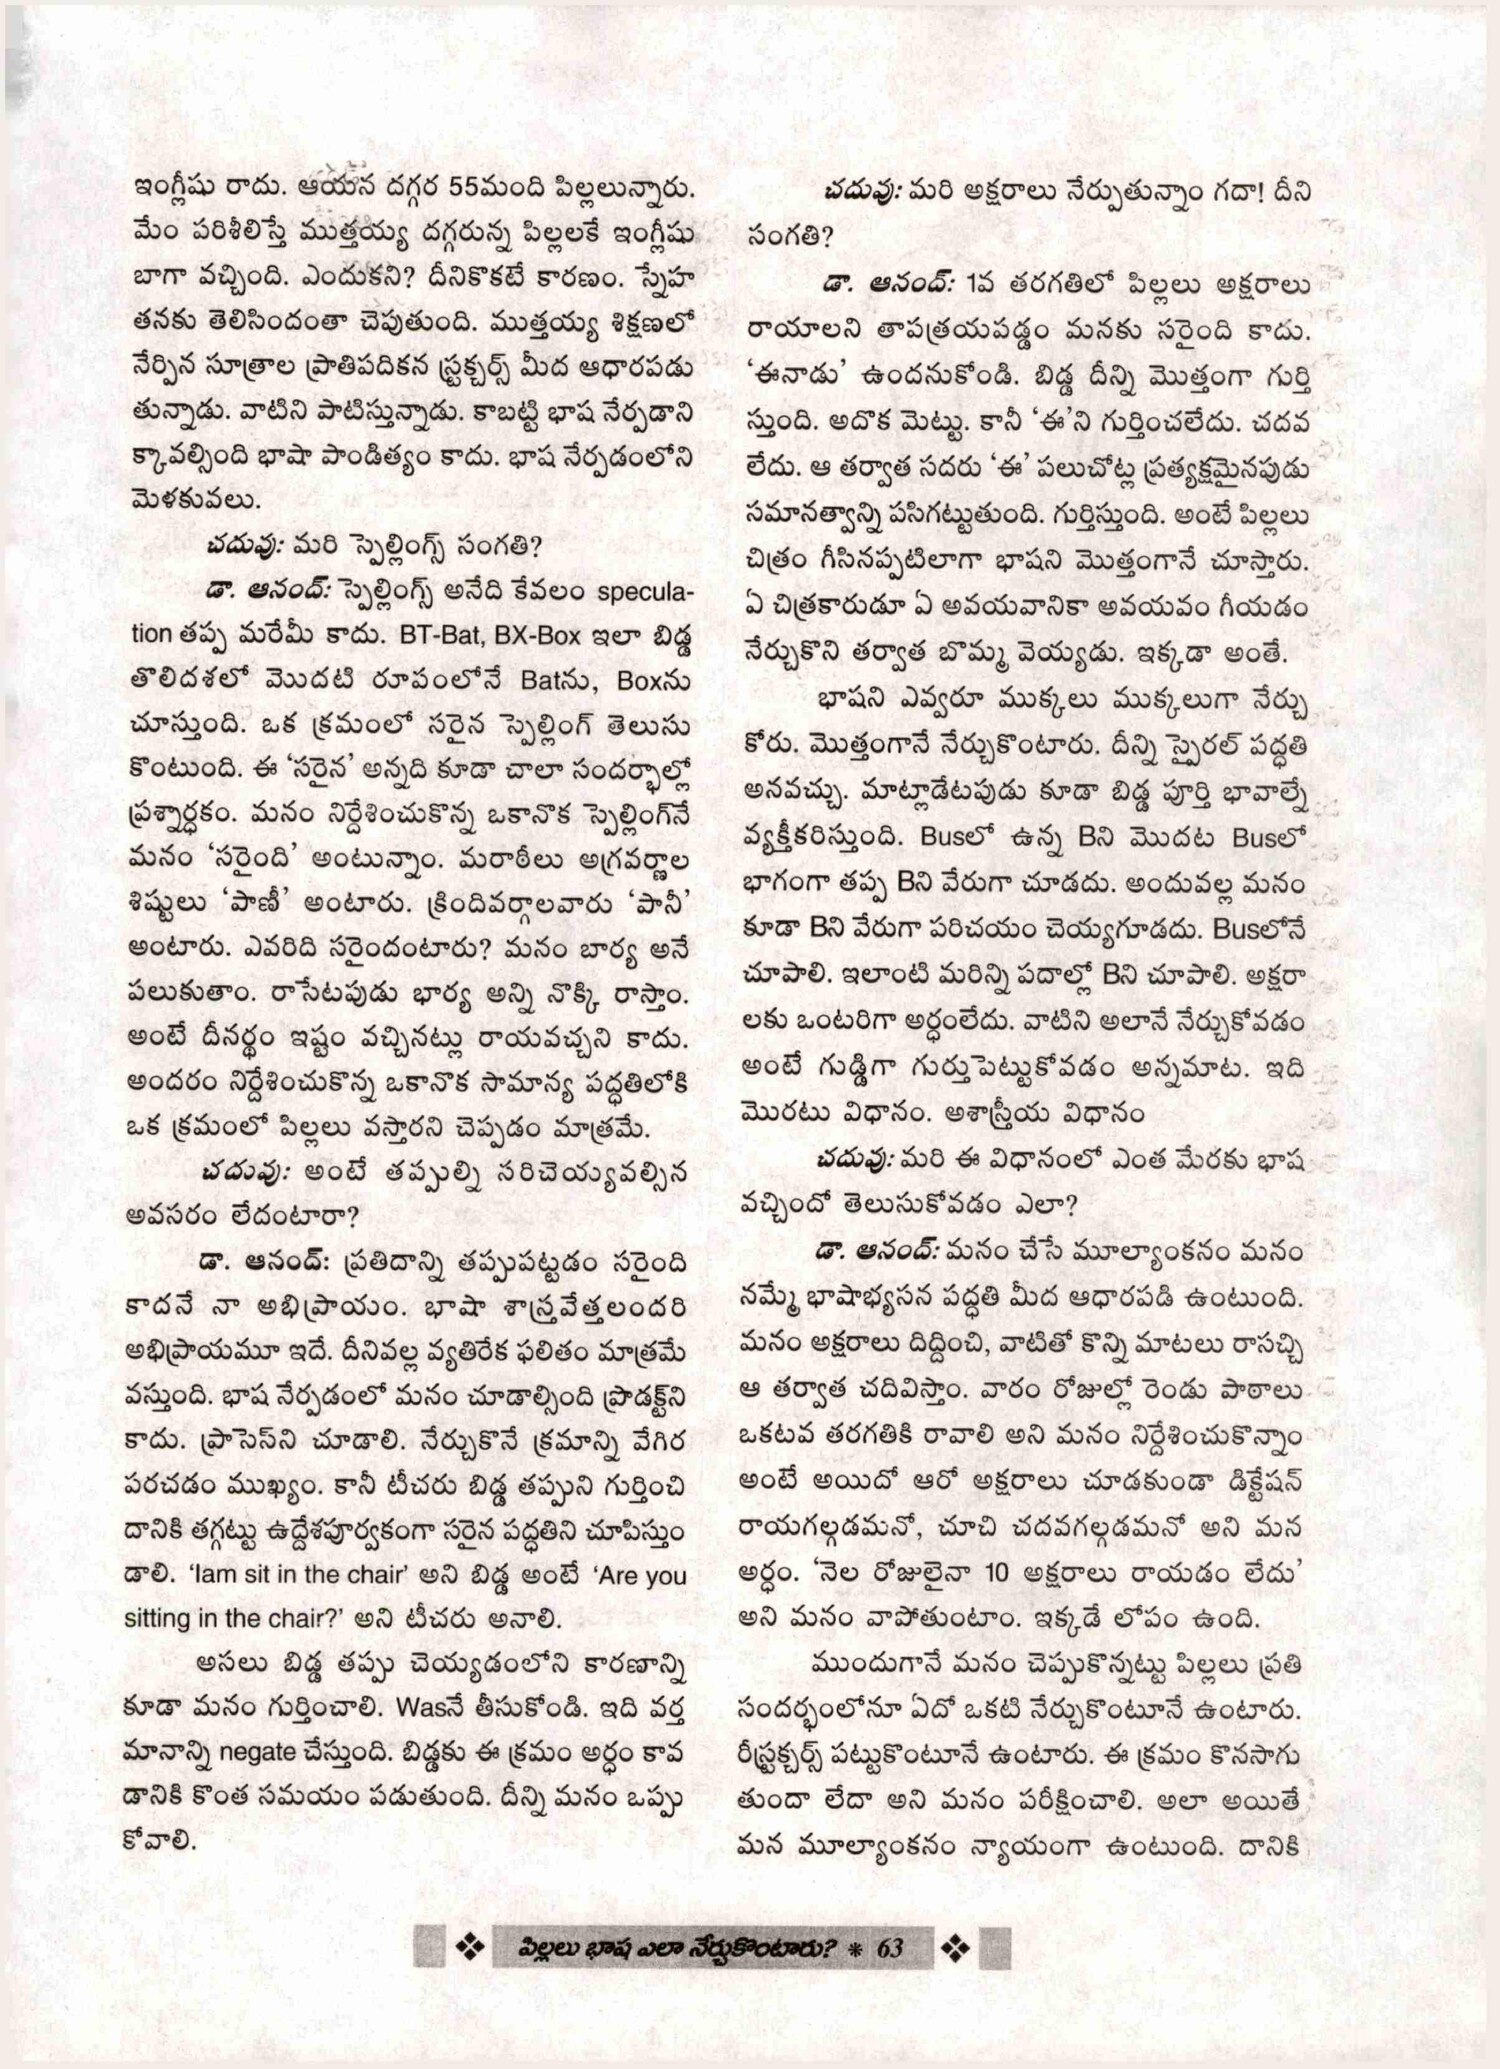ఇంగ్లీషు రాదు. ఆయన దగ్గర 55మంది పిల్లలున్నారు. మేం పరిశీలిస్తే ముత్తయ్య దగ్గరున్న పిల్లలకే ఇంగ్లీషు బాగా వచ్చింది. ఎందుకని? దీనికొకటే కారణం. స్నేహ తనకు తెలిసిందంతా చెపుతుంది. ముత్తయ్య శిక్షణలో నేర్పిన సూత్రాల ప్రాతిపదికన స్ట్రక్చర్స్ మీద ఆధారపడుతున్నాడు. వాటిని పాటిస్తున్నాడు. కాబట్టి భాష నేర్పడాని
క్కావల్సింది భాషా పాండిత్యం కాదు. భాష నేర్పడంలోని మెళకువలు.

చదువు: మరి స్పెల్లింగ్స్ సంగతి?

డా. ఆనంద్: స్పెల్లింగ్స్ అనేది కేవలం speculation తప్ప మరేమీ కాదు. BT-Bat, BX-Box ఇలా బిడ్డ తొలిదశలో మొదటి రూపంలోనే Batను, Boxను చూస్తుంది. ఒక క్రమంలో సరైన స్పెల్లింగ్ తెలుసుకొంటుంది. ఈ 'సరైన' అన్నది కూడా చాలా సందర్భాల్లో ప్రశ్నార్ధకం. మనం నిర్దేశించుకొన్న ఒకానొక స్పెల్లింగ్‌నే మనం 'సరైంది' అంటున్నాం. మరాఠీలు అగ్రవర్ణాల శిష్టులు 'పాణీ' అంటారు. క్రిందివర్గాలవారు 'పానీ' అంటారు. ఎవరిది సరైందంటారు? మనం బార్య అనే పలుకుతాం. రాసేటపుడు భార్య అన్ని నొక్కి రాస్తాం. అంటే దీనర్థం ఇష్టం వచ్చినట్లు రాయవచ్చని కాదు.
అందరం నిర్దేశించుకొన్న ఒకానొక సామాన్య పద్ధతిలోకి ఒక క్రమంలో పిల్లలు వస్తారని చెప్పడం మాత్రమే.

చదువు: అంటే తప్పుల్ని సరిచెయ్యవల్సిన అవసరం లేదంటారా?

డా. ఆనంద్: ప్రతిదాన్ని తప్పుపట్టడం సరైంది కాదనే నా అభిప్రాయం. భాషా శాస్త్రవేత్తలందరి అభిప్రాయమూ ఇదే. దీనివల్ల వ్యతిరేక ఫలితం మాత్రమే వస్తుంది. భాష నేర్పడంలో మనం చూడాల్సింది ప్రొడక్ట్‌ని కాదు. ప్రాసెస్‌ని చూడాలి. నేర్చుకొనే క్రమాన్ని వేగిర పరచడం ముఖ్యం. కానీ టీచరు బిడ్డ తప్పుని గుర్తించి దానికి తగ్గట్టు ఉద్దేశపూర్వకంగా సరైన పద్ధతిని చూపిస్తుండాలి. 'Iam sit in the chair' అని బిడ్డ అంటే 'Are you sitting in the chair?' అని టీచరు అనాలి.

అసలు బిడ్డ తప్పు చెయ్యడంలోని కారణాన్ని కూడా మనం గుర్తించాలి. Wasనే తీసుకోండి. ఇది వర్తమానాన్ని negate చేస్తుంది. బిడ్డకు ఈ క్రమం అర్ధం కావడానికి కొంత సమయం పడుతుంది. దీన్ని మనం ఒప్పుకోవాలి.

చదువు: మరి అక్షరాలు నేర్పుతున్నాం గదా! దీని సంగతి?

డా. ఆనంద్: 1వ తరగతిలో పిల్లలు అక్షరాలు రాయాలని తాపత్రయపడ్డం మనకు సరైంది కాదు. 'ఈనాడు' ఉందనుకోండి. బిడ్డ దీన్ని మొత్తంగా గుర్తిస్తుంది. అదొక మెట్టు. కానీ 'ఈ'ని గుర్తించలేదు. చదవ లేదు. ఆ తర్వాత సదరు 'ఈ' పలుచోట్ల ప్రత్యక్షమైనపుడు సమానత్వాన్ని పసిగట్టుతుంది. గుర్తిస్తుంది. అంటే పిల్లలు చిత్రం గీసినప్పటిలాగా భాషని మొత్తంగానే చూస్తారు. ఏ చిత్రకారుడూ ఏ అవయవానికా అవయవం గీయడం నేర్చుకొని తర్వాత బొమ్మ వెయ్యడు. ఇక్కడా అంతే.

భాషని ఎవ్వరూ ముక్కలు ముక్కలుగా నేర్చుకోరు. మొత్తంగానే నేర్చుకొంటారు. దీన్ని స్పైరల్ పద్ధతి అనవచ్చు. మాట్లాడేటపుడు కూడా బిడ్డ పూర్తి భావాల్నే వ్యక్తీకరిస్తుంది. Busలో ఉన్న Bని మొదట Busలో భాగంగా తప్ప Bని వేరుగా చూడదు. అందువల్ల మనం కూడా Bని వేరుగా పరిచయం చెయ్యగూడదు. Busలోనే చూపాలి. ఇలాంటి మరిన్ని పదాల్లో Bని చూపాలి. అక్షరాలకు ఒంటరిగా అర్ధంలేదు. వాటిని అలానే నేర్చుకోవడం అంటే గుడ్డిగా గుర్తుపెట్టుకోవడం అన్నమాట. ఇది మొరటు విధానం. అశాస్త్రీయ విధానం

చదువు: మరి ఈ విధానంలో ఎంత మేరకు భాష వచ్చిందో తెలుసుకోవడం ఎలా?

డా. ఆనంద్: మనం చేసే మూల్యాంకనం మనం నమ్మే భాషాభ్యసన పద్ధతి మీద ఆధారపడి ఉంటుంది. మనం అక్షరాలు దిద్దించి, వాటితో కొన్ని మాటలు రాసిచ్చి ఆ తర్వాత చదివిస్తాం. వారం రోజుల్లో రెండు పాఠాలు ఒకటవ తరగతికి రావాలి అని మనం నిర్దేశించుకొన్నాం అంటే అయిదో ఆరో అక్షరాలు చూడకుండా డిక్టేషన్ రాయగల్గడమనో, చూచి చదవగల్గడమనో అని మన అర్ధం. 'నెల రోజులైనా 10 అక్షరాలు రాయడం లేదు' అని మనం వాపోతుంటాం. ఇక్కడే లోపం ఉంది.

ముందుగానే మనం చెప్పుకొన్నట్టు పిల్లలు ప్రతి సందర్భంలోనూ ఏదో ఒకటి నేర్చుకొంటూనే ఉంటారు. రీస్ట్రక్చర్స్ పట్టుకొంటూనే ఉంటారు. ఈ క్రమం కొనసాగుతుందా లేదా అని మనం పరీక్షించాలి. అలా అయితే మన మూల్యాంకనం న్యాయంగా ఉంటుంది. దానికి